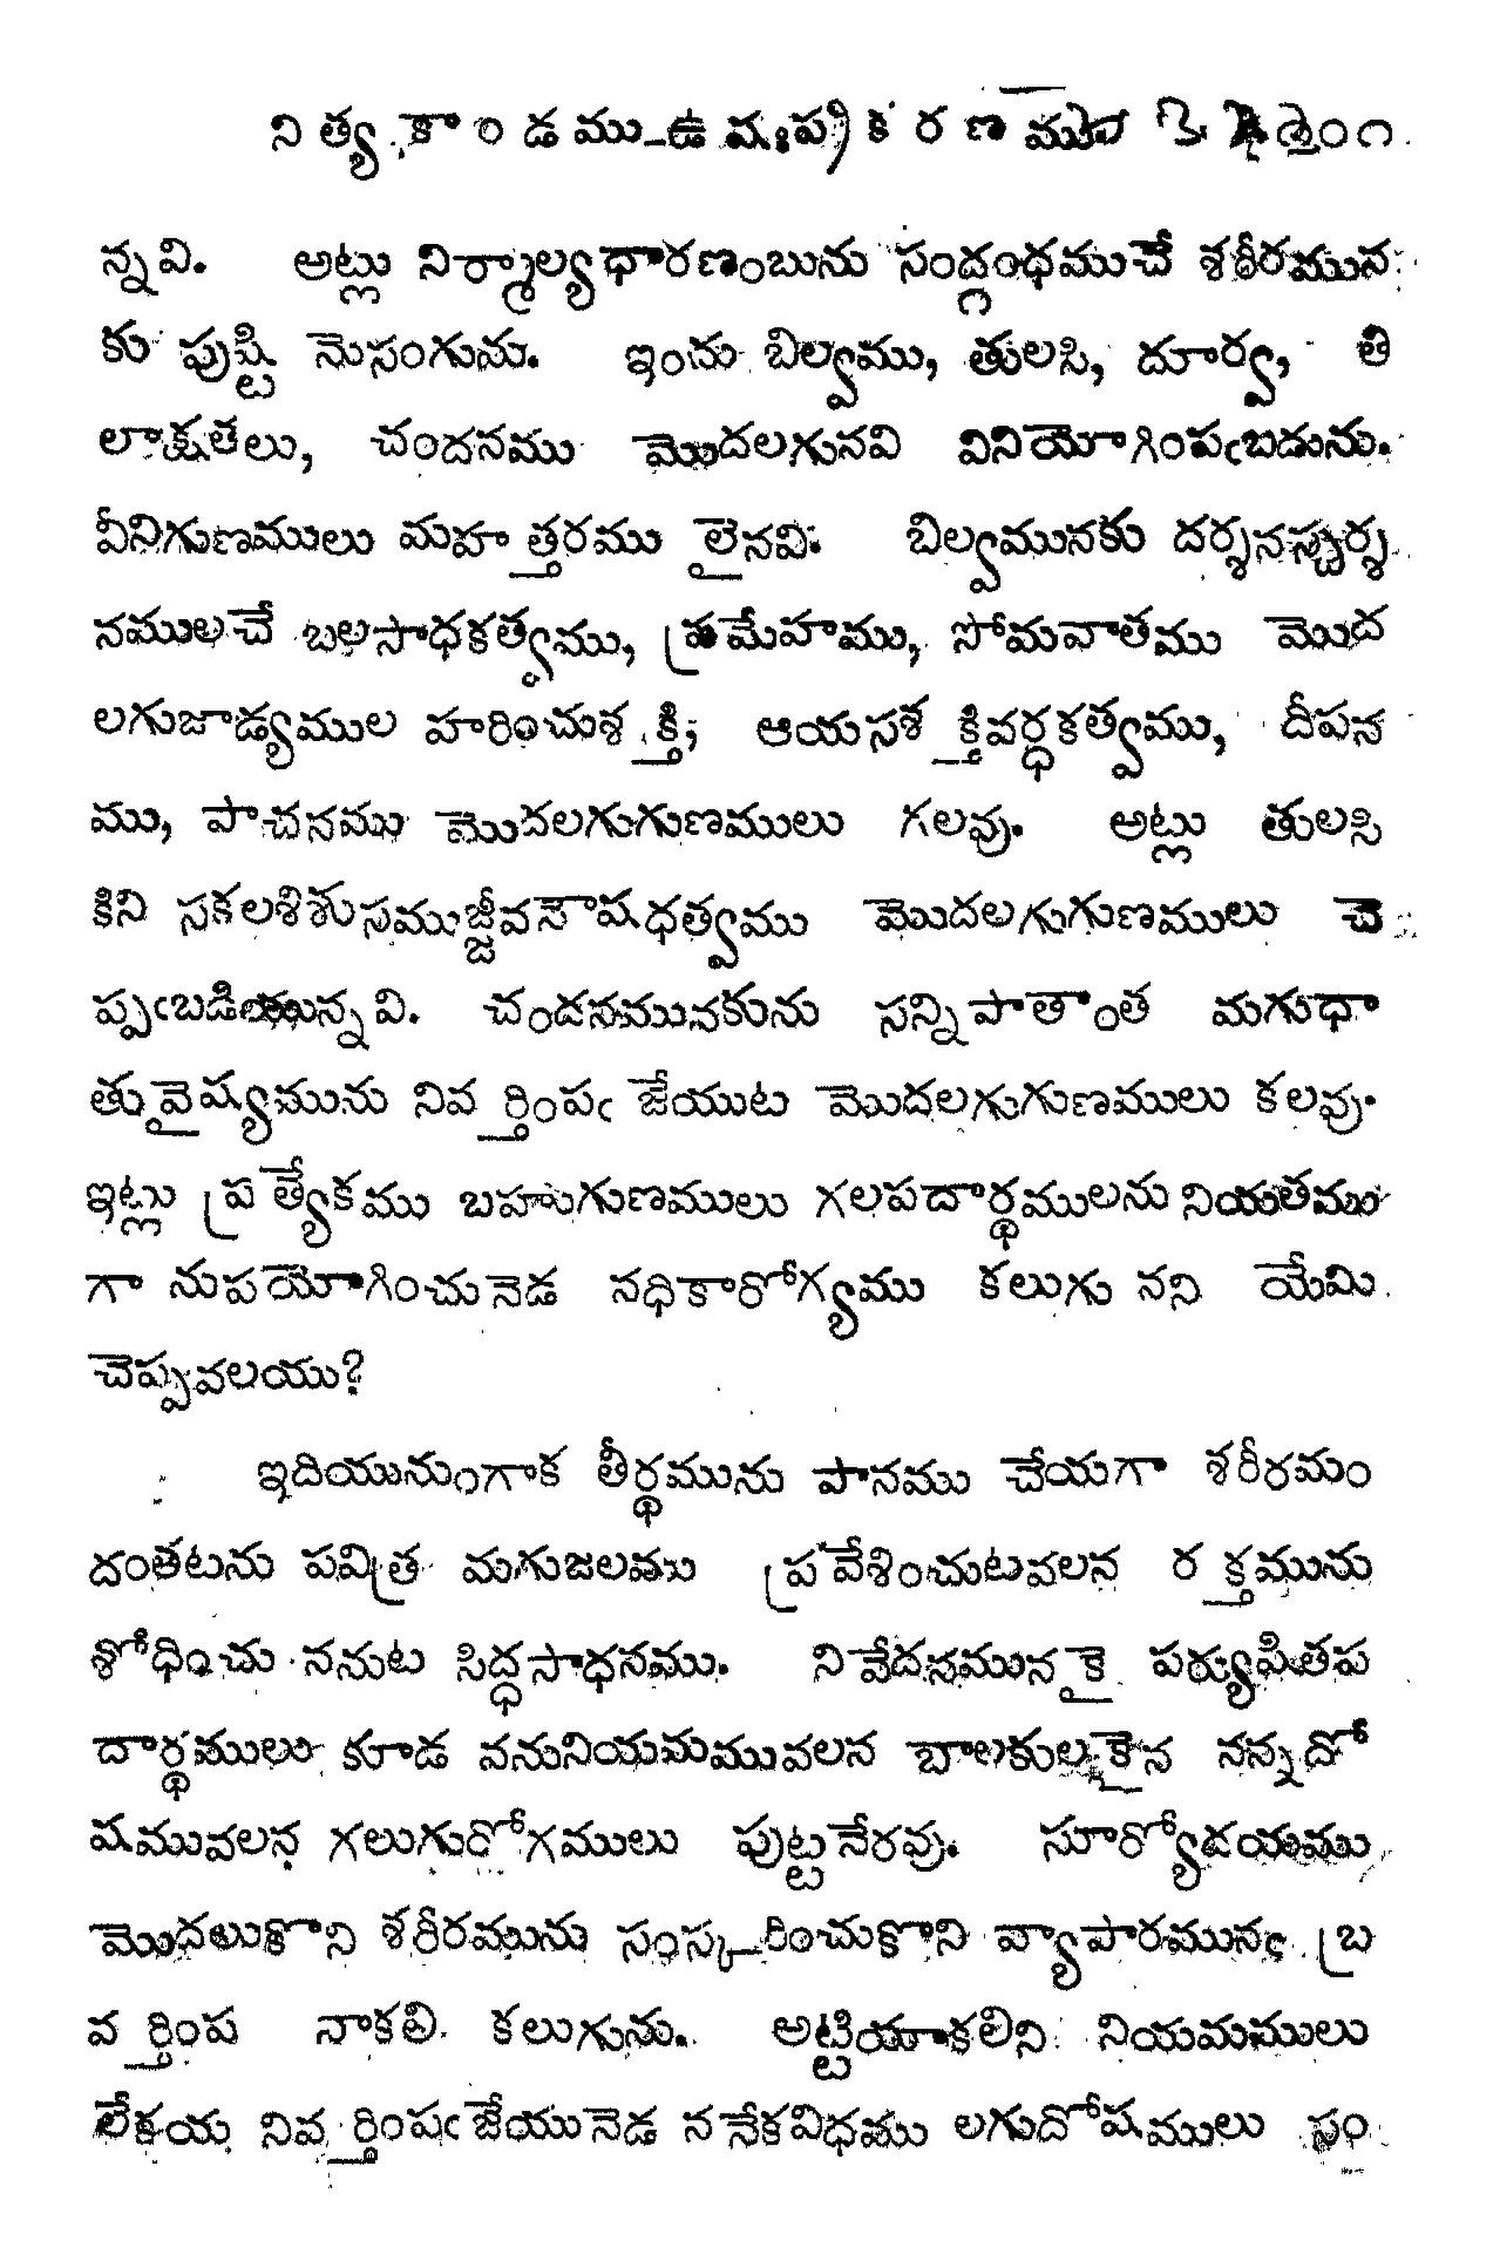న్నవి. అట్లు నిర్మాల్యధారణంబును సంద్గంధముచే శరీరమునకు పుష్టి నొసంగును. ఇందు బిల్వము, తులసి, దూర్వ, తిలాక్షతలు, చందనము మొదలగునవి వినియోగింపఁబడును. వీనిగుణములు మహత్తరము లైనవి. బిల్వమునకు దర్శనస్పర్శనములచే బలసాధకత్వము, ప్రమేహము, సోమవాతము మొదలగుజాడ్యముల హరించుశక్తి; ఆయసశక్తివర్ధకత్వము, దీపనము, పాచనము మొదలగుగుణములు గలవు. అట్లు తులసికిని సకలశిశుసముజ్జీవనౌషధత్వము మొదలగుగుణములు చెప్పఁబడియున్నవి. చందనమునకును సన్నిపాతాంత మగుధాతువైష్యమును నివర్తింపఁ జేయుట మొదలగుగుణములు కలవు.
ఇట్లు ప్రత్యేకము బహుగుణములు గలపదార్థములను నియతముగా నుపయోగించునెడ నధికారోగ్యము కలుగు నని యేమి చెప్పవలయు?

ఇదియునుంగాక తీర్థమును పానము చేయగా శరీరమందంతటను పవిత్ర మగుజలము ప్రవేశించుటవలన రక్తమును శోధించు ననుట సిద్ధసాధనము. నివేదనమున్నకై పర్యుషితపదార్థములు కూడ వనునియమమువలన బాలకులకైన నన్నదోషమువలన గలుగురోగములు పుట్టనేరవు. సూర్యోదయము 
మొదలుకొని శరీరమును సంస్కరించుకొని వ్యాపారమునఁ బ్రవర్తింప నాకలి కలుగును. అట్టియాకలిని నియమములు లేకయ నివర్తింపఁజేయునెడ ననేకవిధము లగుదోషములు సం